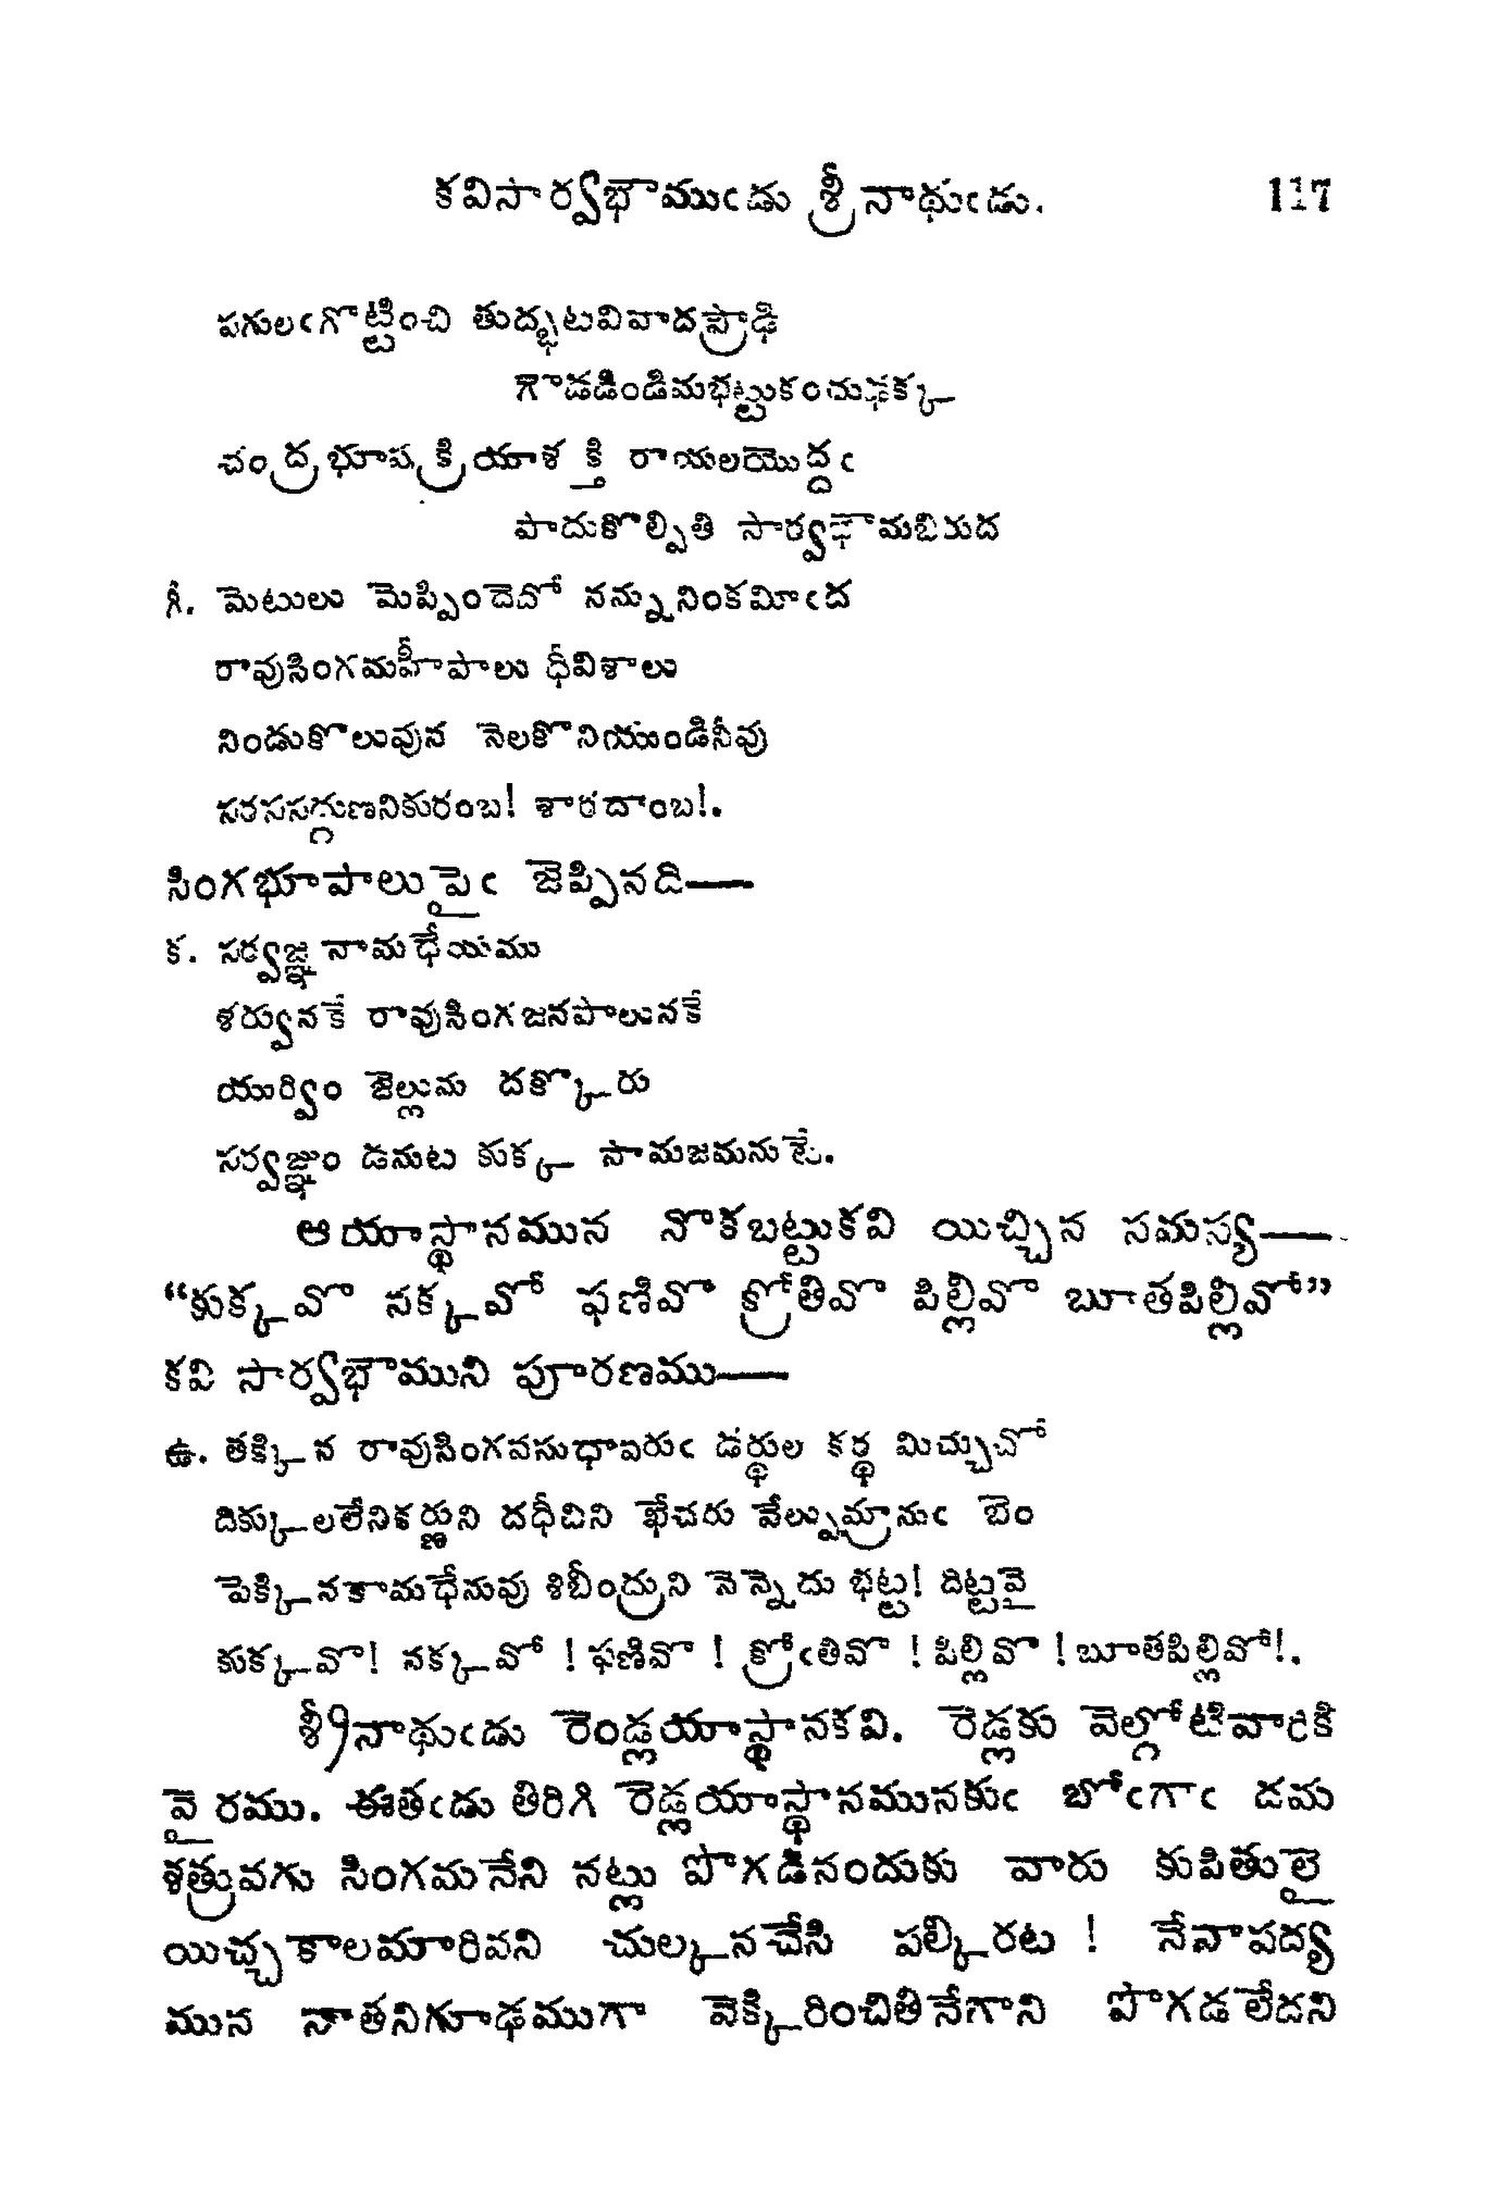పగులఁగొట్టించి తుద్భటవివాదప్రౌఢి
 గౌడడిండిమభట్టు కంచుఢక్క
 చంద్రభూపక్రియాశక్తి రాయలయొద్దఁ
 బాదుకొల్పితి సార్వభౌమబిరుద
తే. మెటులు మెప్పించెదో నన్ను నింకమీఁద
 రావుసింగమహీపాలు ధీవిశాలు
 నిండుకొలువున నెలకొనియుండి నీవు
 సకలసద్గుణనికురంబ! శారదాంబ!
సింగభూపాలుపైఁ జెప్పినది—
క. సర్వజ్ఞ నామధేయము
 శర్వునకే రావుసింగజనపాలునకే
 యుర్విం జెల్లును దక్కొరు
 సర్వజ్ఞుండనుట కుక్క సామజ మనుటే.
ఆయాస్థానమున నొకబట్టుకవి యిచ్చిన సమస్య—“కుక్కవొ నక్కవో ఫణివొ క్రోఁతివొ పిల్లివొ బూతపిల్లివో” కవిసార్వభౌముని పూరణము—
ఉ. తక్కిన రావుసింగవసుధావరుఁ డర్థుల కర్థ మిచ్చుచో
 దిక్కులలేనికర్ణుని దధీచిని ఖేచరు వేల్పుమ్రానుఁ బెం
 పెక్కిన కామధేనువు శిబీంద్రుని నెన్నుదు భట్ట! దిట్టవై
 కుక్కవొ! నక్కవో! ఫణివొ! క్రోఁతివొఁ! పిల్లివొ! బూతపిల్లివో!
శ్రీనాథుఁడు రెడ్లయాస్థానకవి. రెడ్లకు వెల్గోటివారికి వైరము. ఈతఁడు తిరిగి రెడ్లయాస్థానమునకుఁ బోఁగాఁ దమశత్రువగు సింగమనేని నట్లు పొగడినందుకు వారు కుపితులై యిచ్చకాలమారి వని చుల్కనచేసి పల్కిరఁట! నే నాపద్యమున నాతని గూఢముగా వెక్కిరించితినేగాని పొగడలేదని